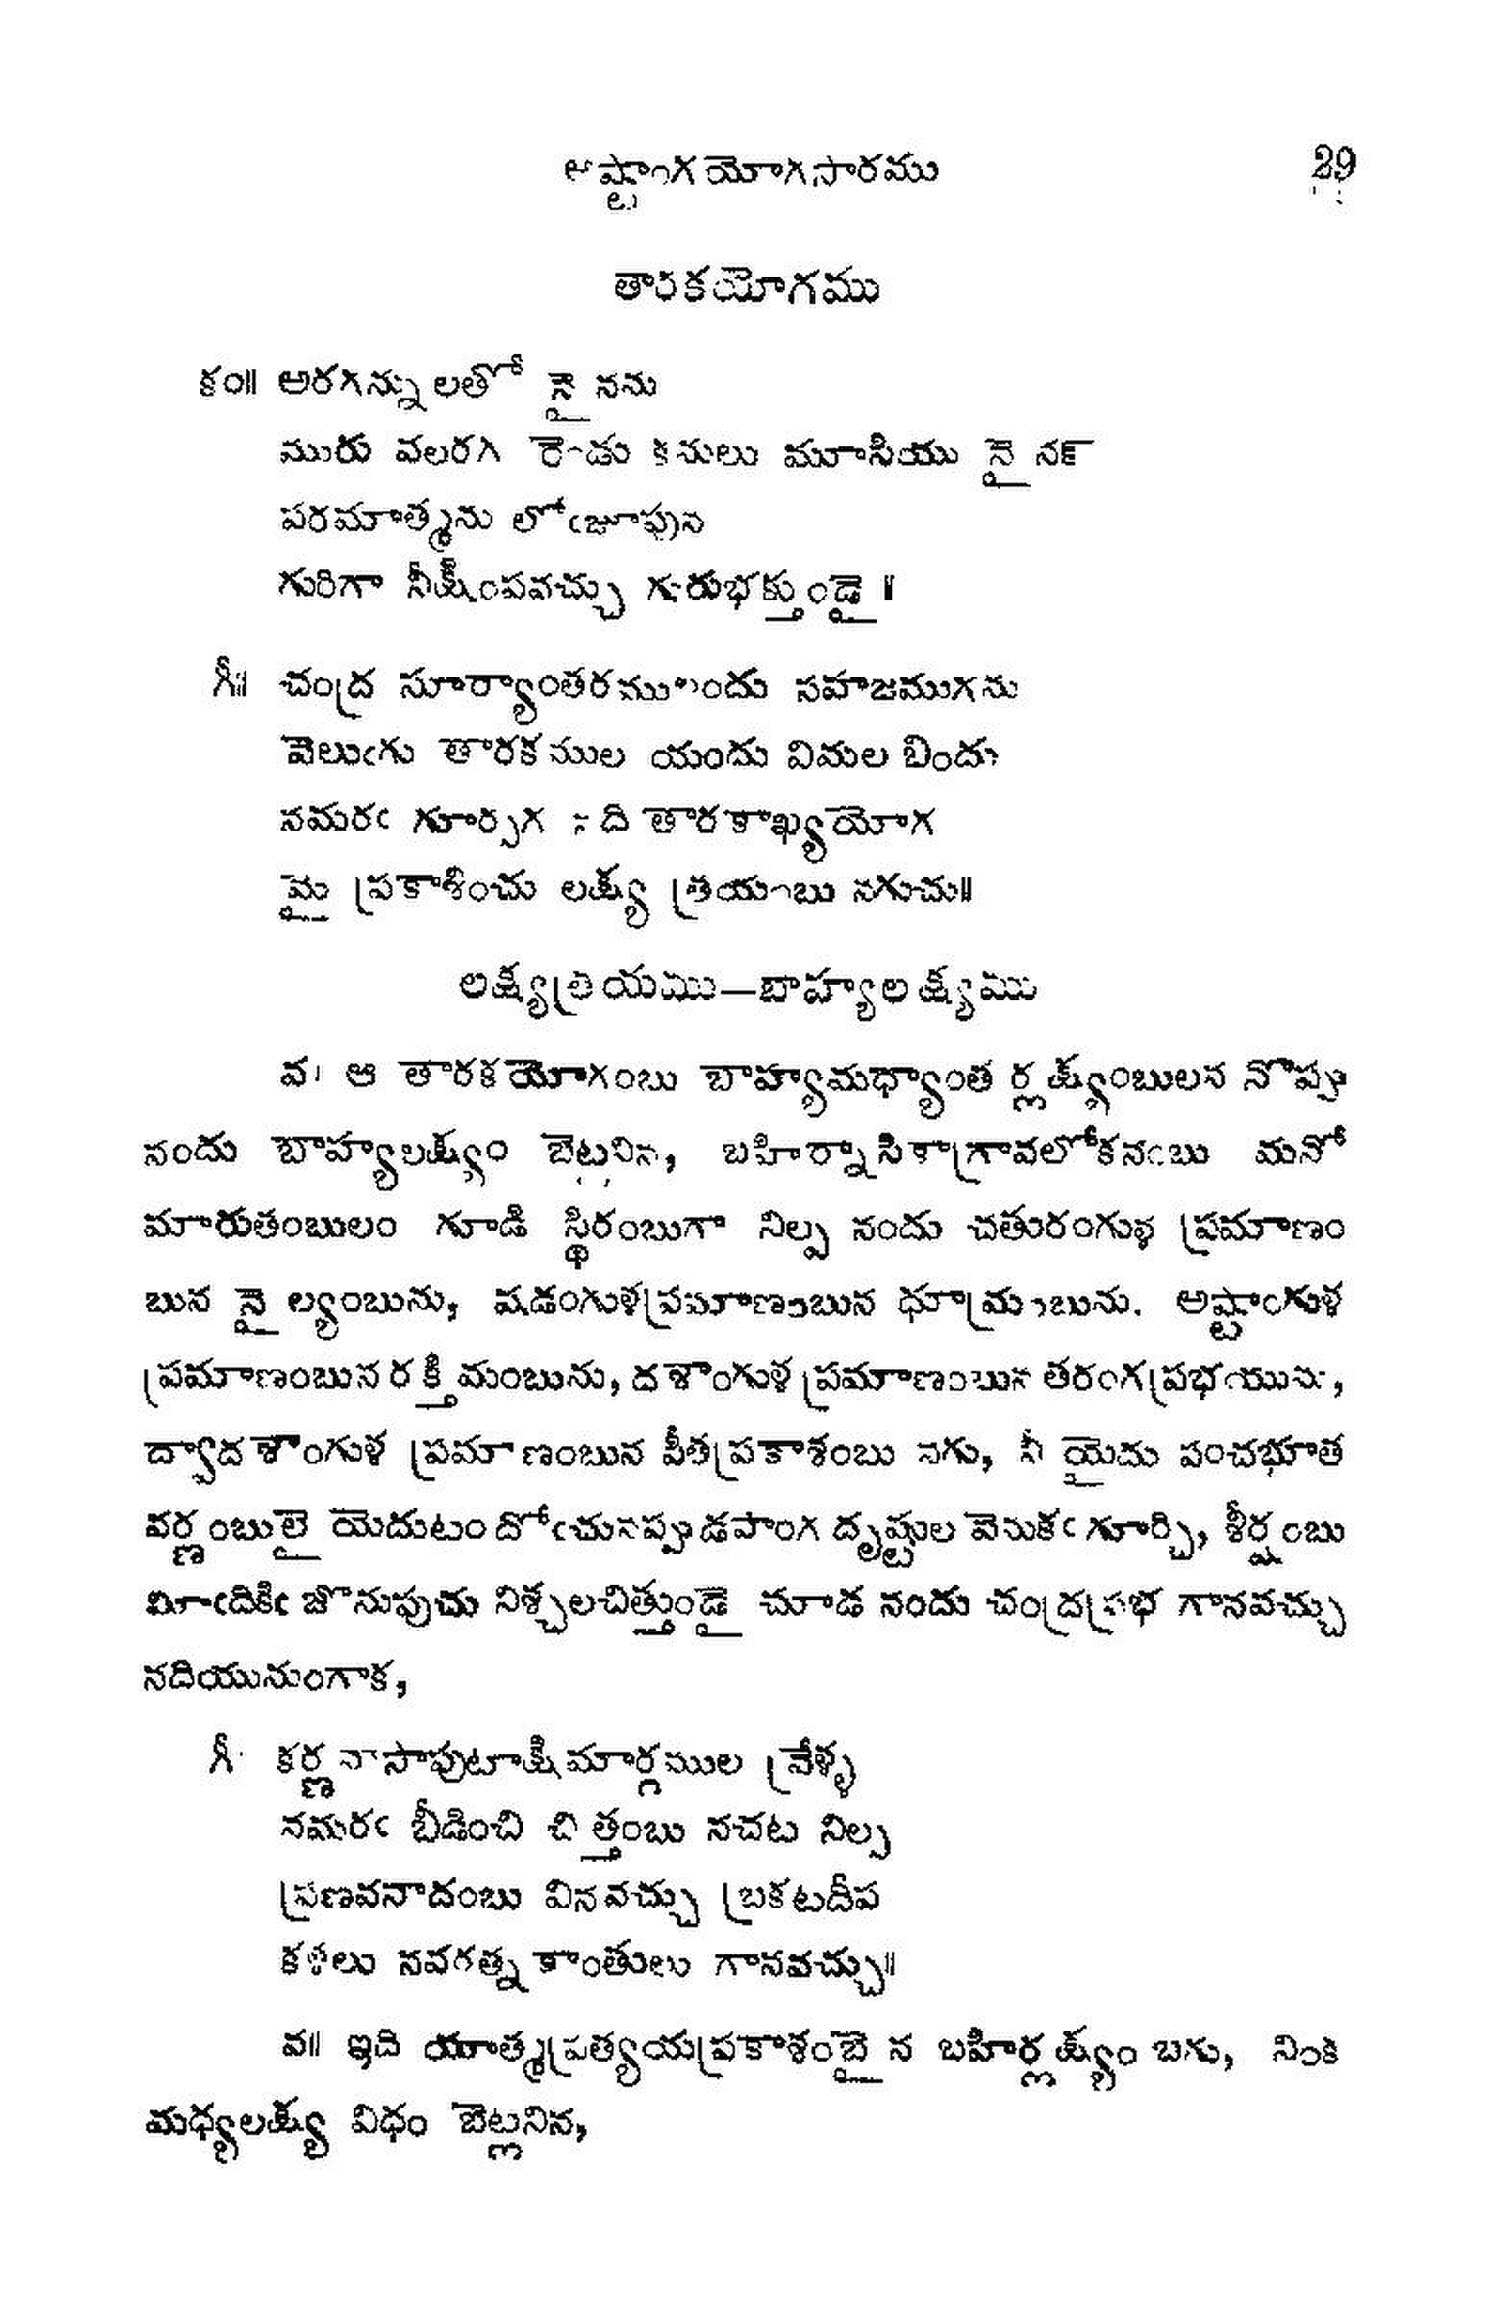క. అరగన్నులతో నైనను
 మురు వలరగ రెండుకనులు మూసియు నైనన్
 పరమాత్మను లోఁజూపున
 గురిగా నీక్షింపవచ్చు గురుభక్తుండై.
గీ. చంద్ర సూర్యాంతరములందు సహజముగను
 వెలుఁగు తారకముల యందు విమల బిందు
 నమరఁ గూర్పగ నది తారకాఖ్యయోగ
 మై ప్రకాశించు లక్ష్యత్రయంబు నగుచు.

వ. ఆ తారకయోగంబు బాహ్యమధ్యాంతర్లక్ష్యంబులన నొప్పు నందు బాహ్యలక్ష్యం బెట్లనిన, బహిర్నాసిగ్రావలోకనంబు మనోమారుతంబులం గూడి స్థిరంబుగా నిల్ప నందు చతురంగుళప్రమాణంబున నైల్యంబును, షడంగుళప్రమాణంబున ధూమ్రంబును, అష్టాంగుళప్రమాణంబున రక్తిమంబును, దశాంగుళప్రమాణంబున తరంగప్రభయును, ద్వాదశాంగుళప్రమాణంబున పీతప్రకాశంబు నగు, నీ యైదు పంచభూతవర్ణంబులై యెదుటం దోఁచునప్పు డపాంగదృష్టుల వెనుకఁ గూర్చి, శీర్షంబు మీదికిఁ జొనుపుచు నిశ్చలచిత్తుండై చూడ నందు చంద్రప్రభ గానవచ్చు నదియునుంగాక,
గీ. కర్ణనాసాపుటాక్షిమార్గముల వ్రేళ్ళ
 నమరఁ బీడించి చిత్తంబు నచట నిల్ప
 ప్రణవనాదంబు వినవచ్చు బ్రకటదీప
 కళలు నవరత్నకాంతులు గానవచ్చు.
వ. ఇది యాత్మప్రత్యయప్రకాశంబైన బహిర్లక్ష్యం బగు, నింక మధ్యలక్ష్యవిధం బెట్లనిన,